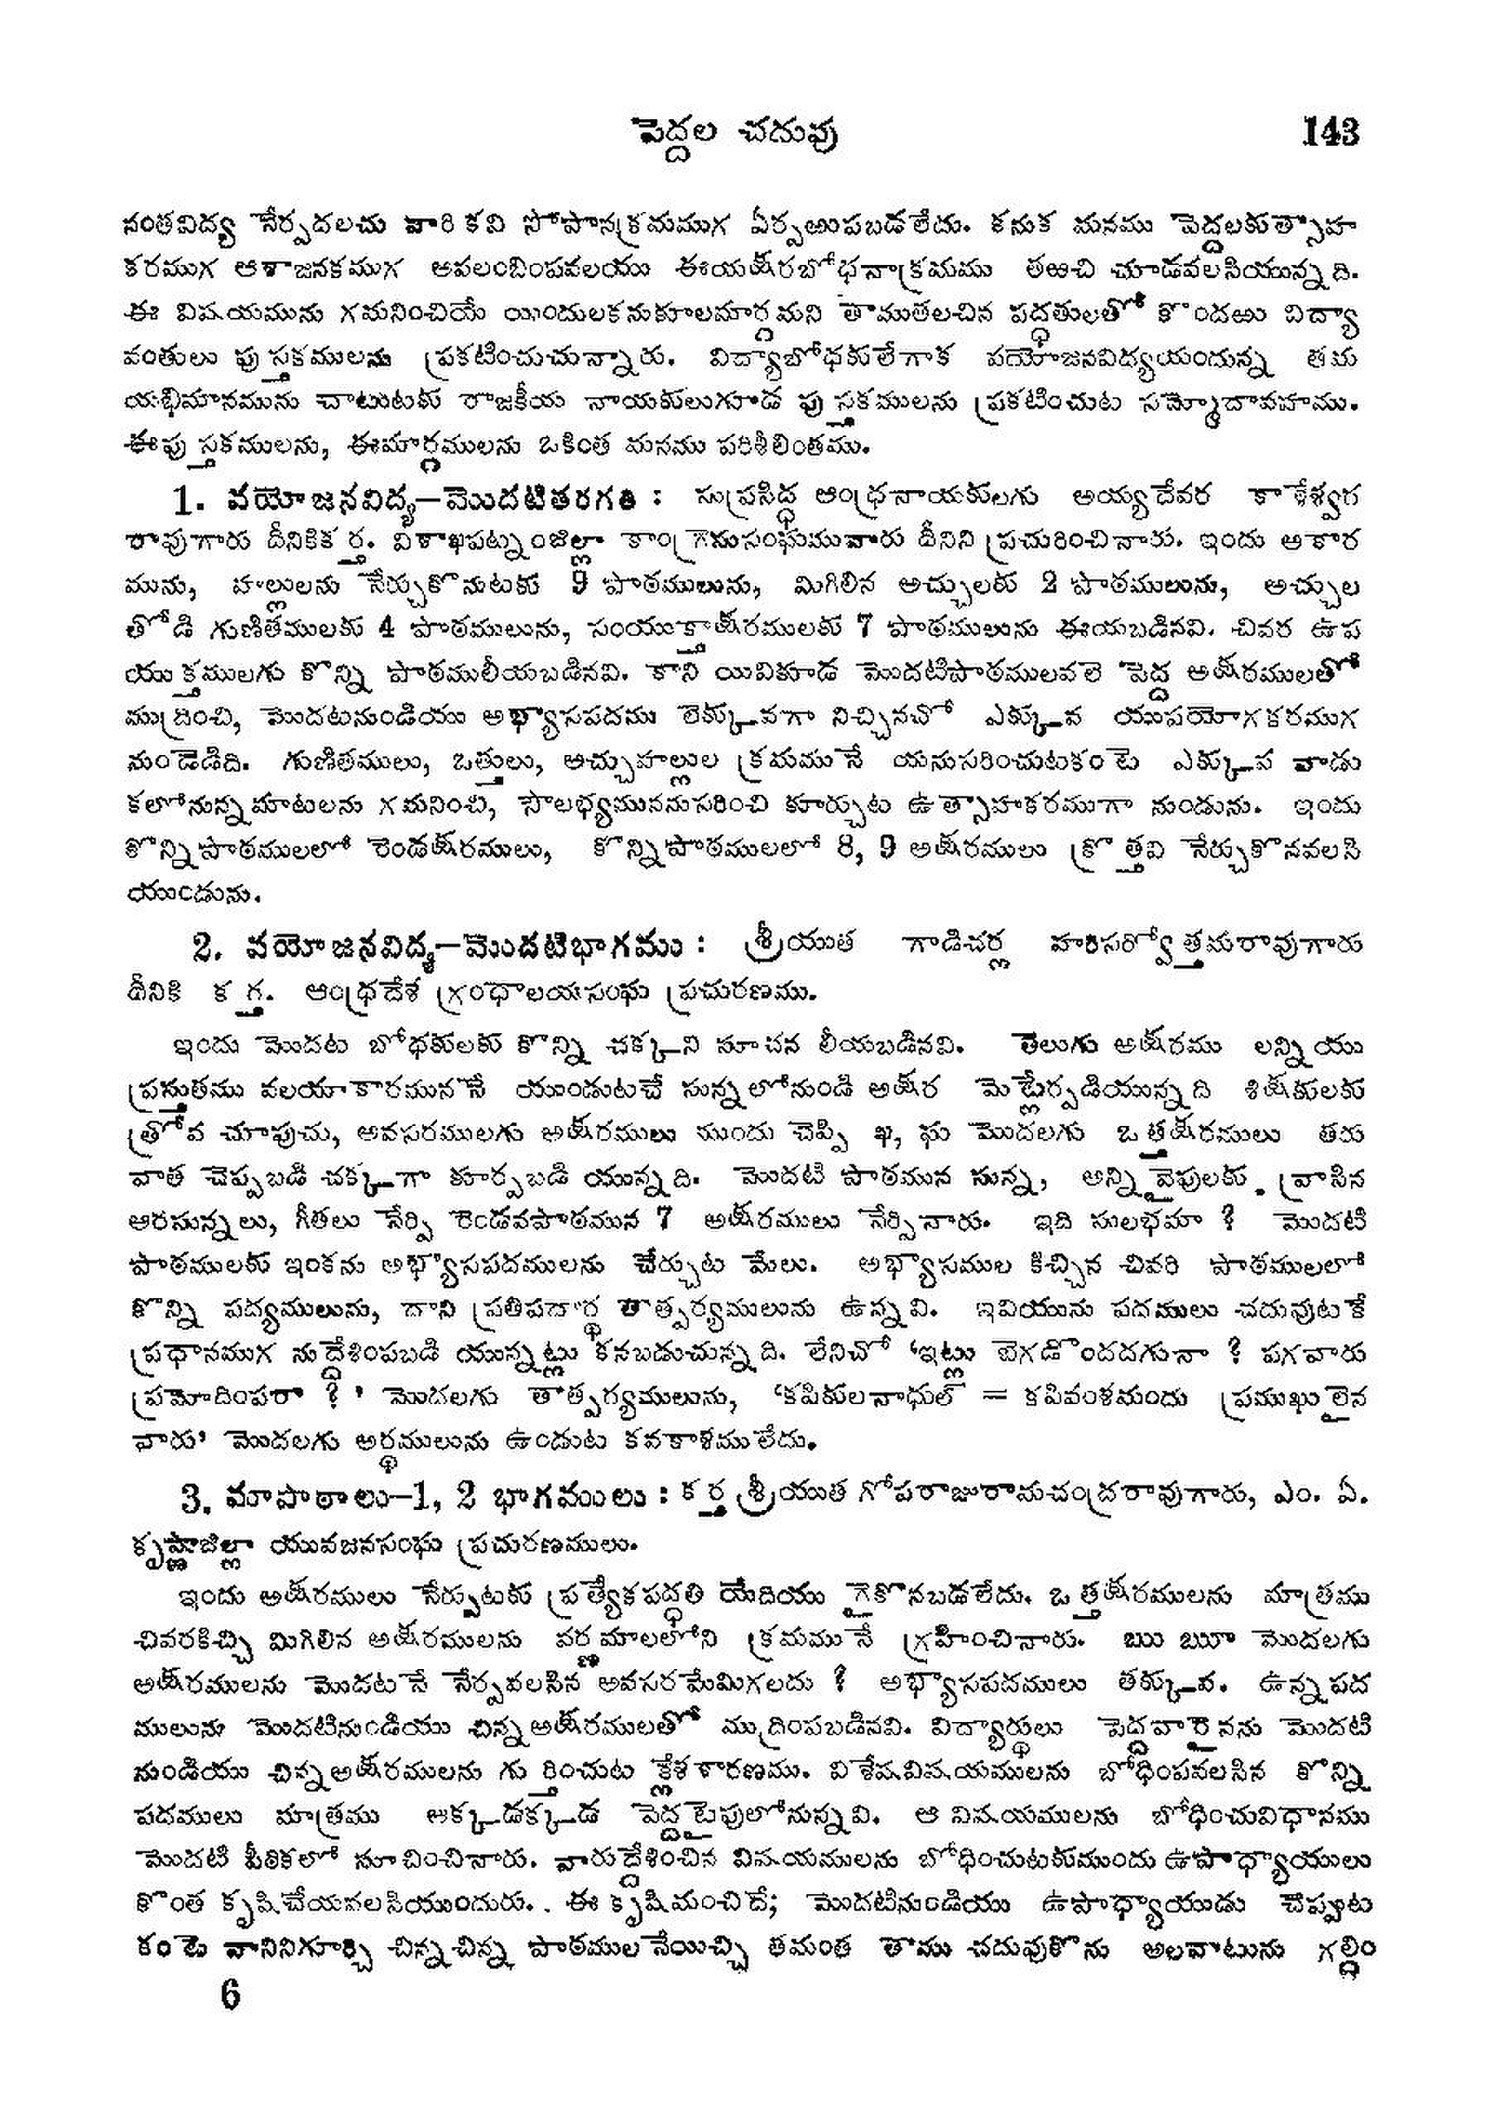నంతవిద్య నేర్పదలచువారి కవి సోపానక్రమముగ ఏర్పఱుపబడలేదు. కనుక మనము పెద్దలకుత్సాహకరముగ ఆశాజనకముగ ఆవలంబింపవలయు ఈయక్షర బోధనాక్రమము తలచి చూడవలసియున్నది. ఈ విషయమును గమనించియే యిందులకనుకూల 
మార్గమని తాముతలచిన పద్దతులతో కొందఱు విద్యావంతులు పుస్తకములను ప్రకటించుచున్నారు. విద్యాబోధకులేగాక ప్రయోజనవిద్యయందున్న తమయభిమానమును చాటుటకు రాజకీయ నాయకులు గూడ పుస్తకములను ప్రకటించుట సమ్మోదావహము.
ఈపుస్తకములను, ఈమార్గములను ఒకింత మనము పరిశీలింతము.

1. వయోజనవిద్య—మొదటి తరగతి: సుప్రసిద్ధ ఆంధ్రనాయకులగు అయ్యదేవర కాళేశ్వరరావుగారు దీనికికర్త. విశాఖపట్నం జిల్లా 
కాంగ్రెసు సంఘము వారు దీనిని ప్రచురించినారు. ఇందు అకారమును, హల్లులను నేర్చుకొనుటకు పాఠములును, మిగిలిన
అచ్చులకు 2 పాఠములును, అచ్చుల తోడి గుణితములకు 4. పాఠములును, సంయుక్తాక్షరములకు పాఠములును ఈయబడినవి. 
చివర ఉపయుక్తములగు కొన్ని పాఠములీయబడినవి. కాని యివికూడ మొదటిపాఠములవలె పెద్ద అక్షరములతో ముద్రించి, మొదటనుండియు అభ్యాసపదము లెక్కువగా నిచ్చినచో ఎక్కువ యుపయోగకరముగ నుండెడిది. గుణితములు, ఒత్తులు, 
అచ్చుహల్లుల క్రమమునే యనుసరించుటకంటె ఎక్కువ వాడుకలోనున్న మాటలను గమనించి, సౌలభ్యమునను గురించి 
కూర్చుట ఉత్సాహకరముగా నుండును. ఇందు కొన్ని పాఠములలో రెండక్షరములు, కొన్ని పాఠములలో 8, 9 అక్షరములు క్రొత్తవి నేర్చుకొనవలసి యు౦డును 

2. వయోజనవిద్య–మెదటిభాగము : శ్రీయుత గాడిచర్ల హరిసర్వోత్తమరావుగారు దీనికి కర్త. ఆంధ్రదేశ గ్రంధాలయ సంఘ 
ప్రచురణము.

ఇందు మొదట బోధకులకు కొన్ని చక్కని సూచన లీయబడినవి. తెలుగు అక్షరము లన్నియు ప్రస్తుతము వలయాకారముననే 
యుండుటచే సున్నలోనుండి అక్షర మెట్లేర్పడియున్నది. శిక్షకులకు త్రోవ చూపుచు, అవసరములగు అక్షరములు ముందు చెప్పి 
ఖ, ఘ మొదలగు ఒత్తక్షరములు తరువాత చెప్పబడి చక్కగా కూర్పబడి యున్నది. మొదటి పాఠమున సున్న, అన్ని వైపులకు.
ఆరసున్నలు, గీతలు నేర్పి రెండవపాఠమున 7 అక్షరములు నేర్పినారు. ఇది సులభమా? మొదటి పాఠములకు ఇంకను అభ్యాసపదములను చేర్చుట మేలు. అభ్యాసముల కిచ్చిన చివరి పాఠములలోకొన్ని పద్యములును, దాని ప్రతిపదార్థ 
తాత్పర్యములును ఉన్నవి. ఇవియును పదములు చదువుటకే ప్రధానముగ నుద్దేశింపబడి యున్నట్లు కనబడుచున్నది. లేనిచో 
'ఇట్లు బెగడొందదగునా? పగవారు ప్రమోదింపరా?' మొదలగు తాత్పర్యములును, 'కపికుల నాధుల్ = కపివంశమందు 
ప్రముఖులైన వారు' మొదలగు అర్థములను ఉండుట కవకాశము లేదు.

3. మాపాఠాలు–1, 2 భాగములు: కర్త శ్రీయుత గోపరాజు రామచంద్రరావుగారు, ఎం. ఏ. కృష్ణాజిల్లా
యువజనసంఘు ప్రచురణములు.

ఇందు అక్షరములు నేర్పుటకు ప్రత్యేక పద్దతి యేదియు గైకొనబడలేదు. ఒత్తక్షరములను మాత్రము చివరకిచ్చి మిగిలిన 
అక్షరములను వర్ణమాలలోని క్రమమునే గ్రహించినారు. ఋ ౠ మొదలగు అక్షరములను మొదటనే నేర్పవలసిన 
అవసరమేమిగలదు? అభ్యాసపదములు తక్కువ. ఉన్న పదములును 'మొదటినుండియు చిన్న అక్షరములతో 
ముద్రింపబడినవి. విద్యార్థులు పెద్దవారైనను మొదటి నుండియు చిన్న అక్షరములను గుర్తించుట క్లేశకారణము. 
విశేషవిషయములను బోధింపవలసిన కొన్ని పదములు మాత్రము అక్కడక్కడ పెద్ద టైపులో నున్నవి. ఆ విషయములను 
బోధించువిధానము మొదటి పీఠికలో సూచించినారు. వారు ద్దేశించిన విషయములను బోధించుటకుముందు ఉపాధ్యాయులు
కొంత కృషిచేయవలసియుందురు. ఈ కృషి మంచిదే; మొదటినుండియు ఉపాధ్యాయుడు చెప్పుటకంటె వానినిగూర్చి 
చిన్న చిన్న పాఠముల వేయిచ్చి తమంత తాము చదువుకొను అలవాటును గల్గిం